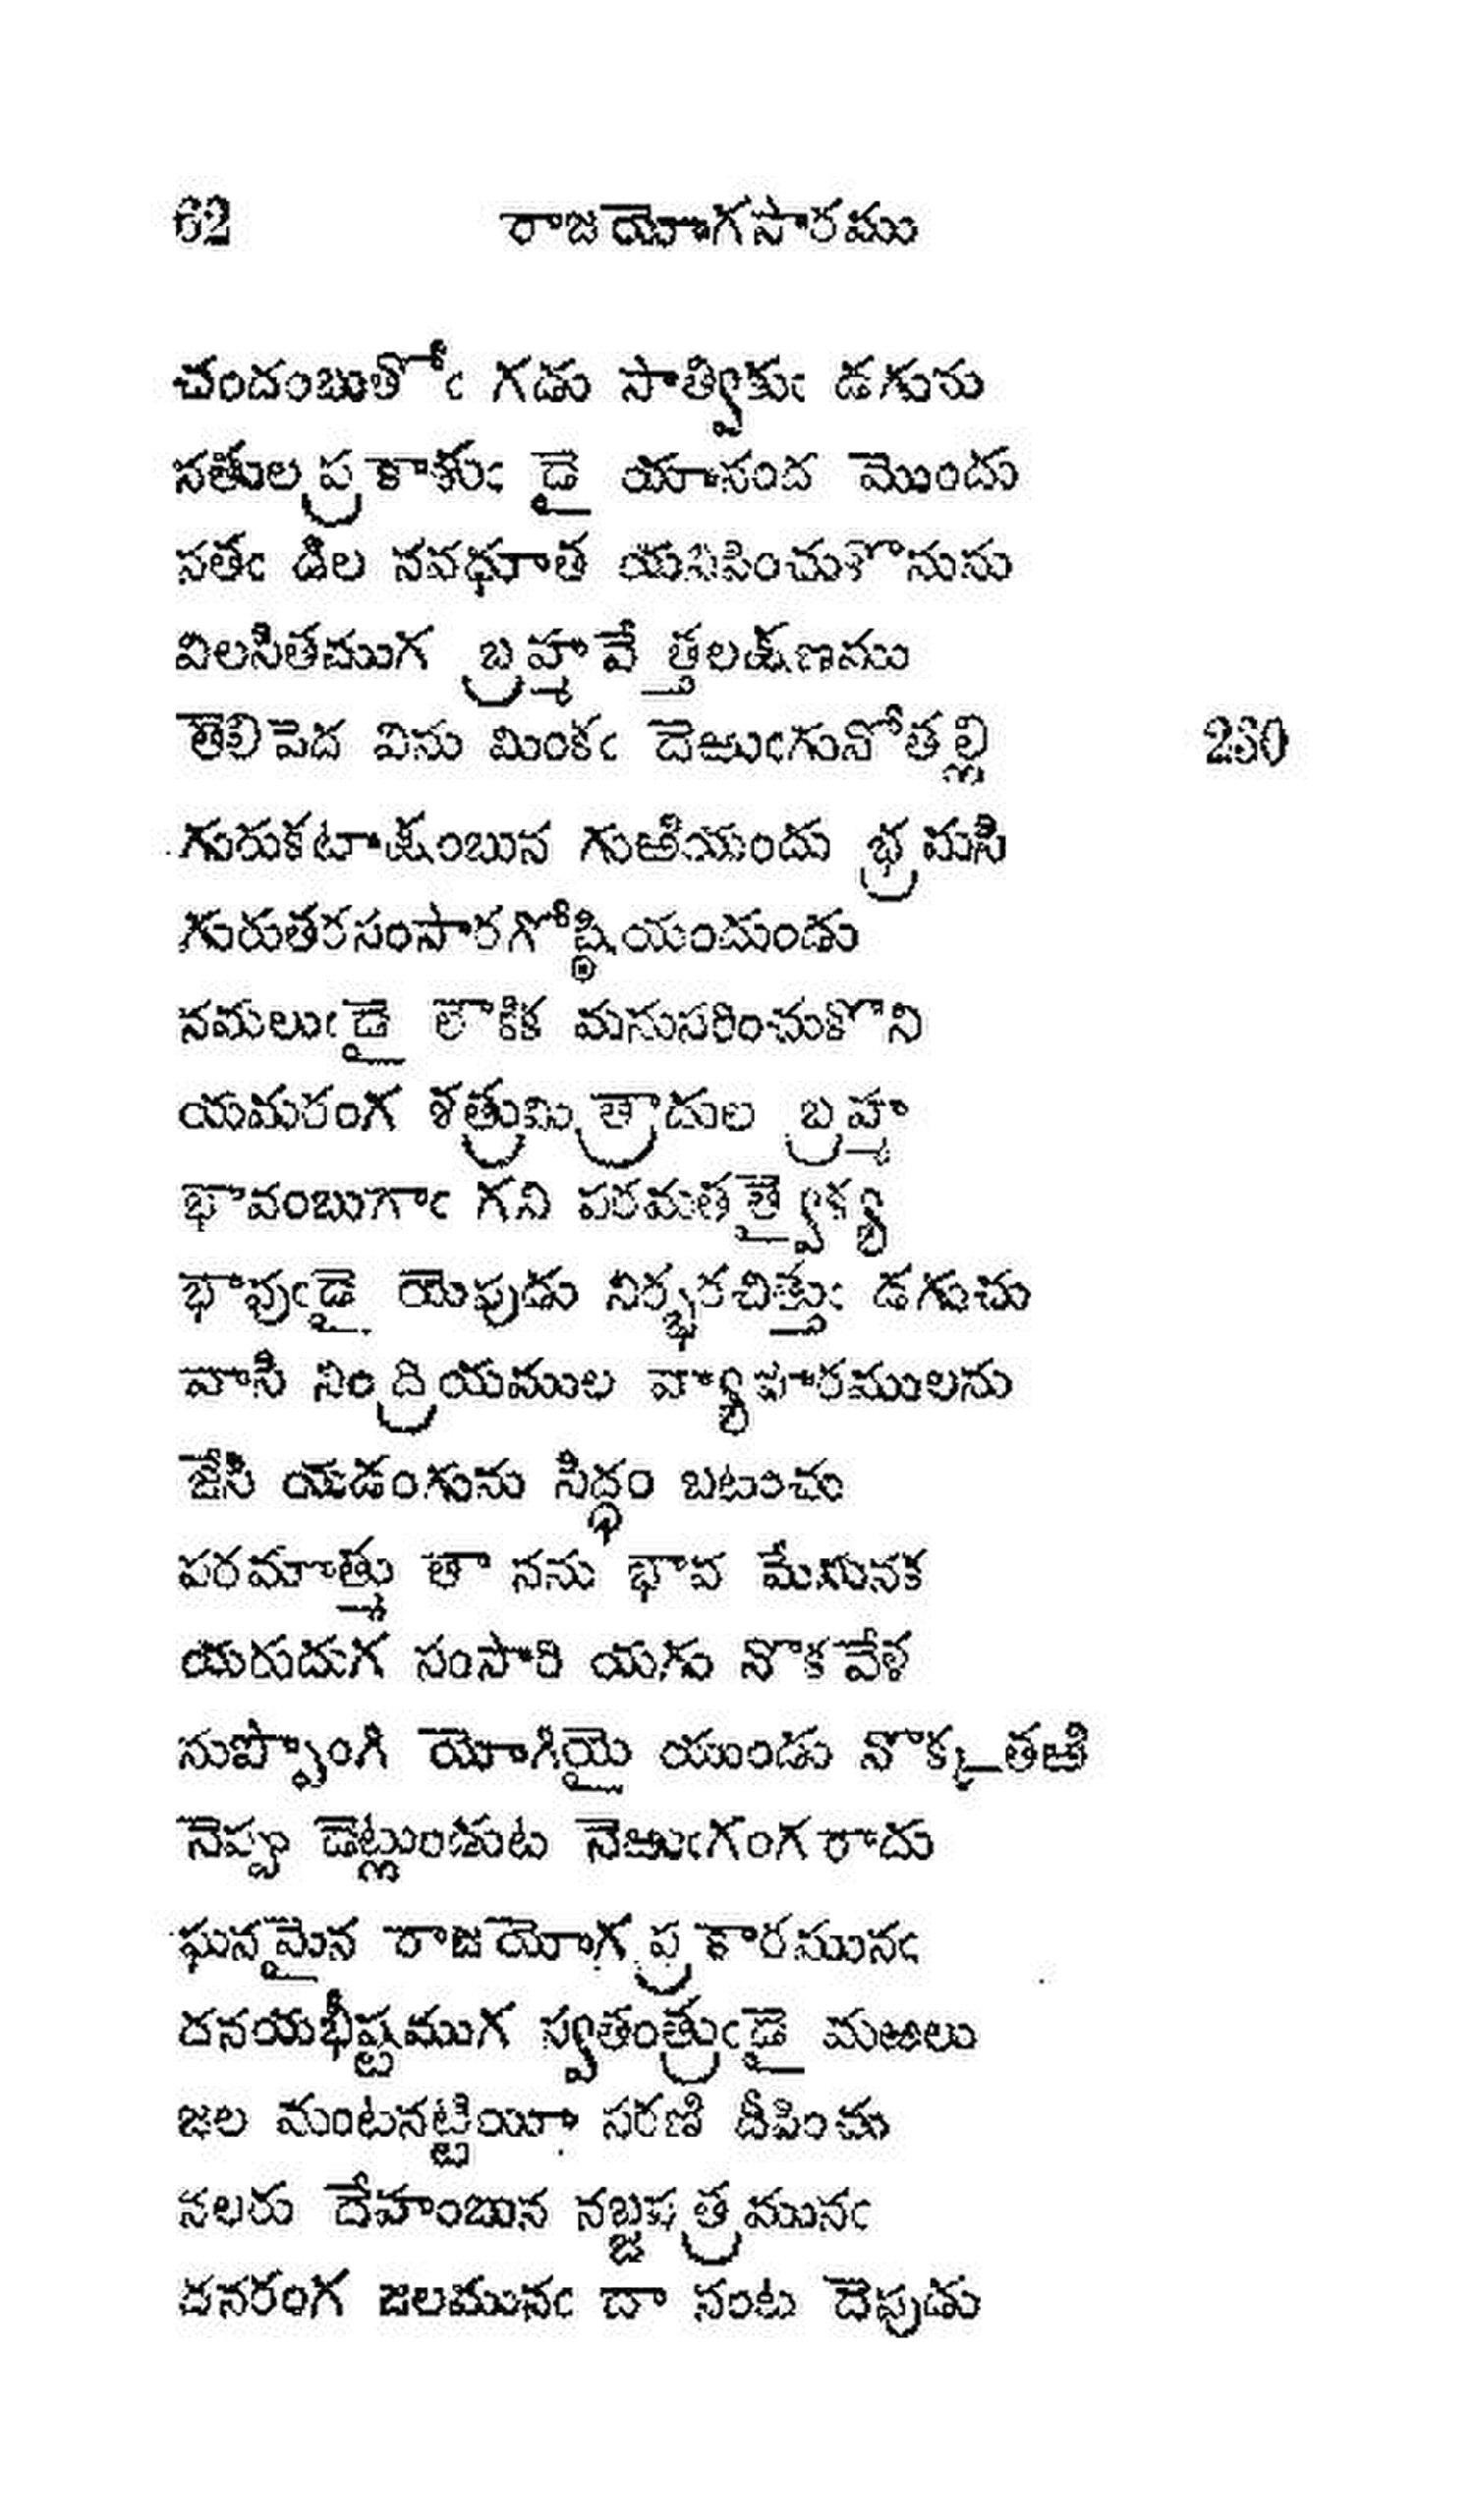చందంబుతోఁ గడు సాత్వికుఁ డగును
నతులప్రకాశుఁ డై యానంద మొందు
నతఁ డిల నవధూత యనిపించుకొనును
విలసితముగ బ్రహ్మవేత్తలక్షణము
తెలిపెద విను మింకఁ దెఱుఁగునోతల్లి
గురుకటాక్షంబున గుఱియందు భ్రమసి
గురుతరసంసారగోష్ఠియందుండు
నమలుఁడై లౌకిక మనుసరించుకొని
యమరంగ శత్రుమిత్రాదుల బ్రహ్మ 
భావంబుగాఁ గని పరమతత్వైక్య
భావుఁడై యెపుడు నిర్భరచిత్తుఁ డగుచు
వాసి నింద్రియముల వ్యాపారములను
జేసి యడంగును సిద్ధం బటంచు
పరమాత్ము తా నను భావ మేమనక
యరుదుగ సంసారి యగు నొకవేళ
నుప్పొంగి యోగియై యుండు నొక్కతఱి
నెప్పు డెట్లుండుట నెఱుఁగంగ రాదు
ఘనమైన రాజయోగప్రకారమునఁ
దనయభీష్టముగ స్వతంత్రుఁడై మఱలు
జల మంటనట్టియీ సరణి దీపించు
నలరు దేహంబున నబ్జపత్రమునఁ
దనరంగ జలమునఁ దా నంట దెపుడు